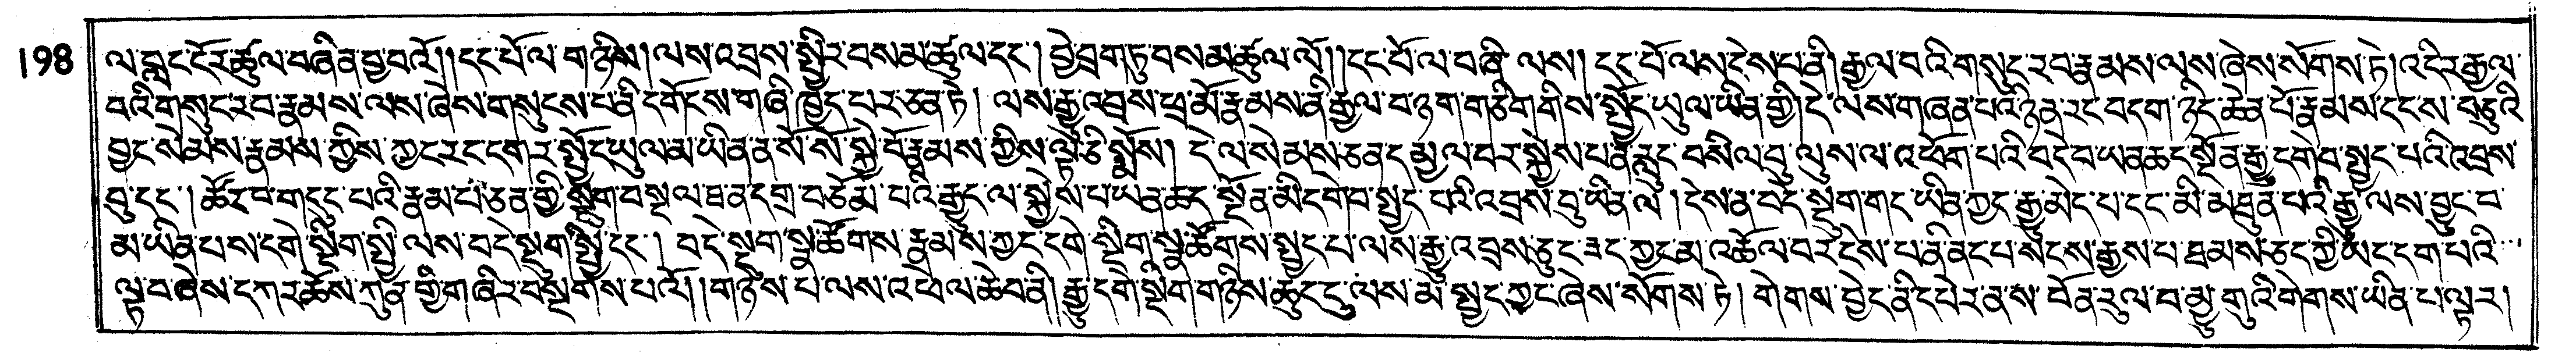ལ་བླང་དོར་ཚུལ་བཞིན་བྱ་བའོ། །དང་པོ་ལ་གཉིས། ལས་འབྲས་སྤྱིར་བསམ་ཚུལ་དང་། བྱེ་བྲག་ཏུ་བསམ་ཚུལ་ལོ། །དང་པོ་ལ་བཞི་ལས། དང་པོ་ལས་ངེས་པ་ནི། རྒྱལ་བའི་གསུང་རབ་རྣམས་ལས་ཞེས་སོགས་ཏེ། འདིར་རྒྱལ་
བའི་གསུང་རབ་རྣམས་ལས་ཞེས་གསུངས་པ་ནི་དགོངས་གཞི་ཁྱད་པར་ཅན་ཏེ། ལས་རྒྱུ་འབྲས་ཕྲ་མོ་རྣམས་ནི་རྒྱལ་བ་ཉག་གཅིག་གིས་སྤྱོད་ཡུལ་ཡིན་གྱི། དེ་ལས་གཞན་པའི་ཉན་རང་བདག་ཉིད་ཆེན་པོ་རྣམས་དང་ས་བཅུའི་
བྱང་སེམས་རྣམས་ཀྱིས་ཀྱང་རང་དགར་སྤྱོད་ཡུལ་མ་ཡིན་ན་སོ་སོ་སྐྱེ་བོ་རྣམས་ཀྱིས་ལྟ་ཅི་སྨོས། དེ་ལ་སེམས་ཅན་དམྱལ་བར་སྐྱེས་པ་ན་རླུང་བསིལ་བུ་ལུས་ལ་འཕོག་པའི་བདེ་བ་ཡན་ཆད་སྔོན་རྒྱུ་དགེ་བ་སྤྱད་པའི་འབྲས་
བུ་དང་། ཚོར་བ་གདུང་བའི་རྣམ་པ་ཅན་གྱི་སྡུག་བསྔལ་ཐ་ན་དགྲ་བཅོམ་པའི་རྒྱུད་ལ་སྐྱེས་པ་ཡན་ཆད་སྔོན་མི་དགེ་བ་སྤྱད་པའི་འབྲས་བུ་ཡིན་ལ། དེས་ན་བདེ་སྡུག་གང་ཡིན་ཀྱང་རྒྱུ་མེད་པ་དང་མི་མཐུན་པའི་རྒྱུ་ལས་བྱུང་བ་
མ་ཡིན་པས་དགེ་སྡིག་སྤྱི་ལས་བདེ་སྡུག་སྤྱི་དང་། བདེ་སྡུག་སྣ་ཚོགས་རྣམས་ཀྱང་དགེ་སྡིག་སྣ་ཚོགས་སྤྱད་པ་ལས་རྒྱུ་འབྲས་ཅུང་ཟད་ཀྱང་མ་འཆོལ་བར་ངེས་པ་ནི་ནང་པ་སངས་རྒྱས་པ་ཐམས་ཅད་ཀྱི་ཡང་དག་པའི་
ལྟ་བ་ཞེས་དཀར་ཆོས་ཀུན་གྱི་གཞིར་བསྔགས་པའོ། །གཉིས་པ་ལས་འཕེལ་ཆེ་བ་ནི། རྒྱུ་དགེ་སྡིག་གཉིས་ཆུང་ངུ་ལས་མ་སྤྱད་ཀྱང་ཞེས་སོགས་ཏེ། གེགས་བྱེད་ནི་དཔེར་ན་ས་བོན་རུལ་བ་མྱུ་གུའི་གེགས་ཡིན་པ་ལྟར།